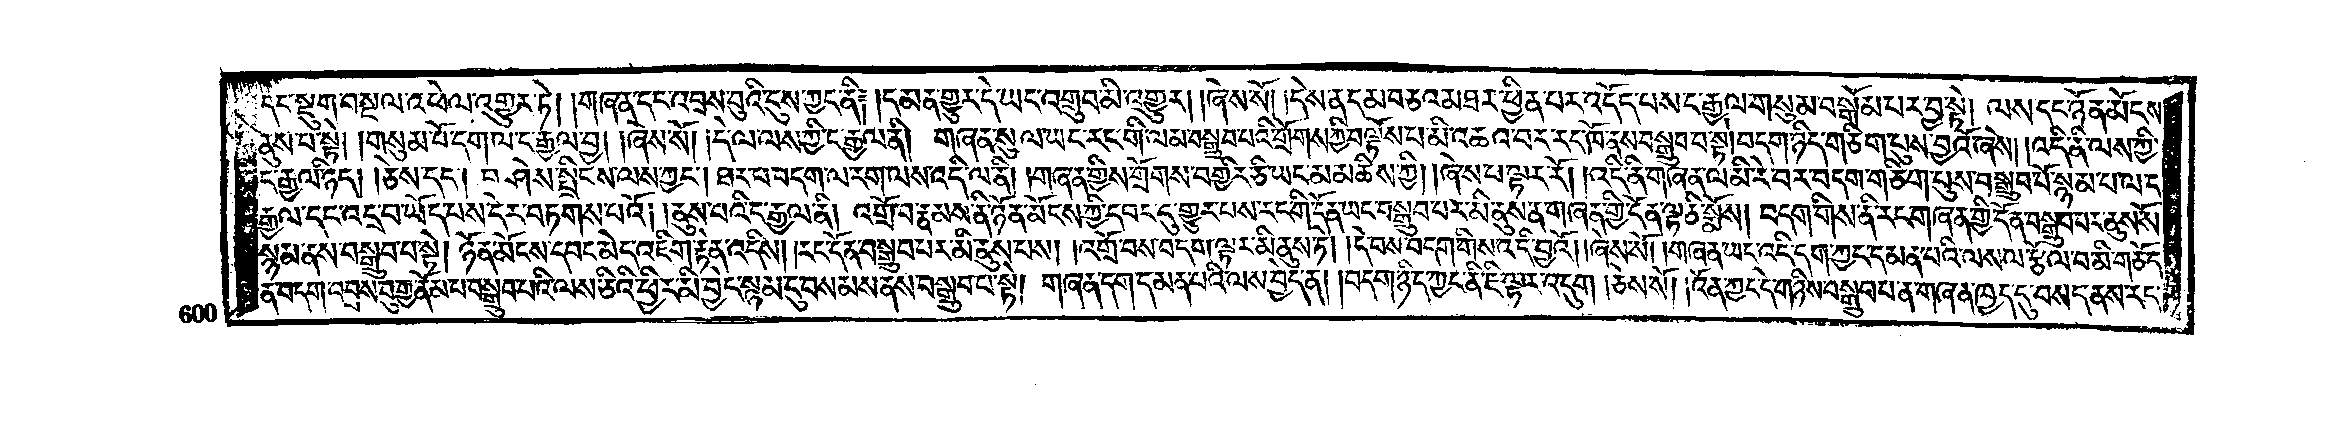དང་སྡུག་བསྔལ་འཕེལ་འགྱུར་ཏེ། །གཞན་དང་འབྲས་བུའི་དུས་ཀྱང་ནི། །དམན་གྱུར་དེ་ཡང་འགྲུབ་མི་འགྱུར། །ཞེས་སོ། །དེས་ན་དམ་བཅའ་མཐར་ཕྱིན་པར་འདོད་པས་ང་རྒྱལ་གསུམ་བསྒོམ་པར་བྱ་སྟེ། ལས་དང་ཉོན་མོངས་
ནུས་པ་སྟེ། །གསུམ་པོ་དག་ལ་ང་རྒྱལ་བྱ། །ཞེས་སོ། །དེ་ལ་ལས་ཀྱི་ང་རྒྱལ་ནི། གཞན་སུ་ལ་ཡང་རང་གི་ལམ་བསྒྲུབ་པའི་གྲོགས་ཀྱི་བལྟོས་པ་མི་འཆའ་བར་རང་ཁོ་ནས་བསྒྲུབ་པ་སྟེ། བདག་ཉིད་གཅིག་པུས་བྱའོ་ཞེས། །འདི་ནི་ལས་ཀྱི་
ང་རྒྱལ་ཉིད། །ཅེས་དང་། བཤེས་སྤྲིངས་ལས་ཀྱང་། ཐར་པ་བདག་ལ་རག་ལས་འདི་ལ་ནི། །གཞན་གྱིས་གྲོགས་བགྱིར་ཅི་ཡང་མ་མཆིས་ཀྱི། །ཞེས་པ་ལྟར་རོ། །འདི་ནི་གཞན་ལ་མི་རེ་བར་བདག་གཅིག་པུས་བསྒྲུབ་བོ་སྙམ་པ་ལ་ང་
རྒྱལ་དང་འདྲ་བ་ཡོད་པས་དེར་བཏགས་པའོ། །ནུས་པའི་ང་རྒྱལ་ནི། འགྲོ་བ་རྣམས་ནི་ཉོན་མོངས་ཀྱི་དབང་དུ་གྱུར་པས་རང་གི་དོན་ཡང་བསྒྲུབ་པར་མི་ནུས་ན་གཞན་གྱི་དོན་ལྟ་ཅི་སྨོས། བདག་གིས་ནི་རང་གཞན་གྱི་དོན་བསྒྲུབ་པར་ནུས་སོ་
སྙམ་ནས་བསྒྲུབ་པ་སྟེ། ཉོན་མོངས་དབང་མེད་འཇིག་རྟེན་འདིས། །རང་དོན་བསྒྲུབ་པར་མི་ནུས་པས། །འགྲོ་བས་བདག་ལྟར་མི་ནུས་ཏེ། །དེ་བས་བདག་གིས་འདི་བྱའོ། །ཞེས་སོ། །གཞན་ཡང་འདི་དག་ཀྱང་དམན་པའི་ལས་ལ་རྩོལ་བ་མི་གཅོད་
ན་བདག་འབྲས་བུ་གྱ་ནོམ་པ་བསྒྲུབ་པའི་ལས་ཅིའི་ཕྱིར་མི་བྱེད་སྙམ་དུ་བསམས་ནས་བསྒྲུབ་པ་སྟེ། གཞན་དག་དམན་པའི་ལས་བྱེད་ན། །བདག་ཉིད་ཀྱང་ནི་ཇི་ལྟར་འདུག །ཅེས་སོ། །འོན་ཀྱང་དེ་གཉིས་བསྒྲུབ་པ་ན་གཞན་ཁྱད་དུ་བསད་ནས་རང་